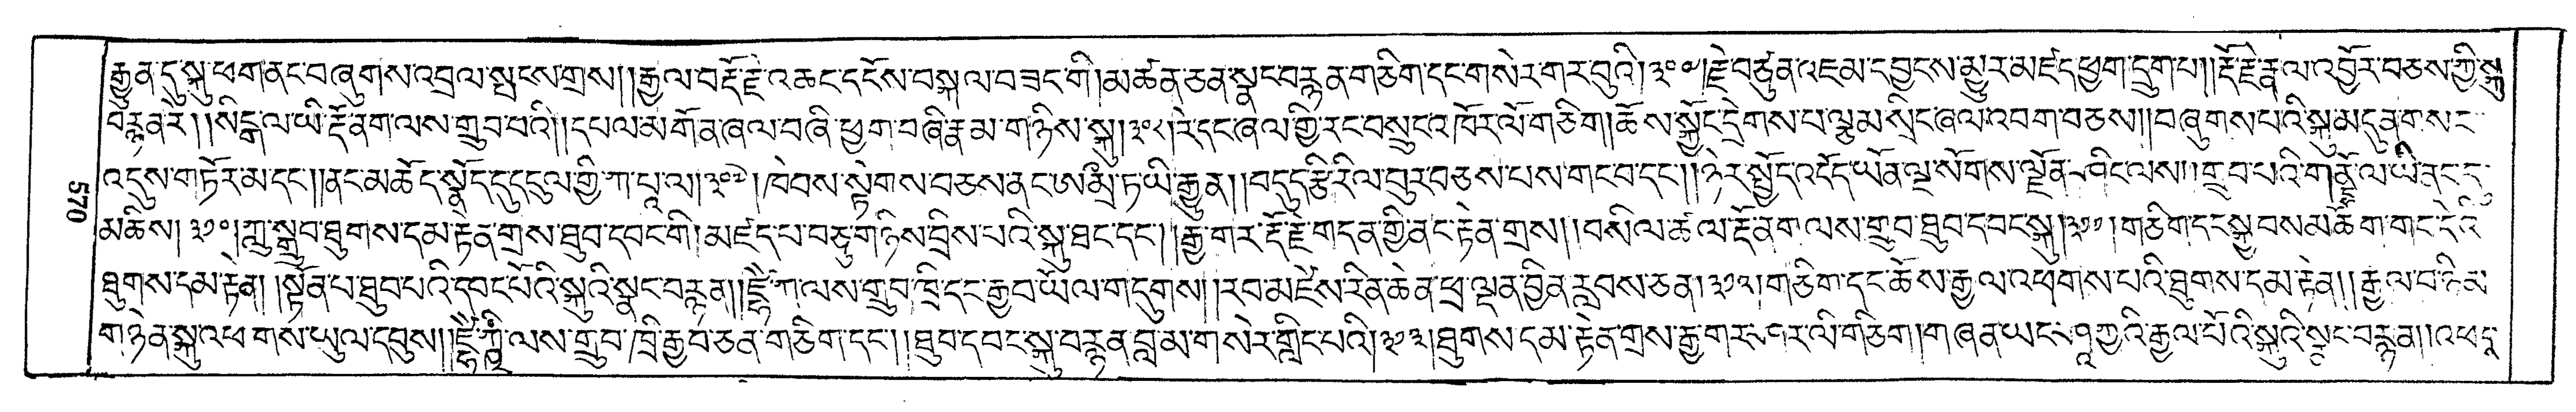རྒྱུན་དུ་སྐུ་ཕག་ནང་བཞུགས་འབྲལ་སྦངས་གྲས། །རྒྱལ་བ་རྡོ་རྗེ་འཆང་དངོས་བསྐལ་བཟང་གི །མཚན་ཅན་སྣང་བརྙན་གཅིག་དང་གསེར་གར་བུའི། ༣༠༧་།རྗེ་བཙུན་འཇམ་དབྱངས་མྱུར་མཛད་ཕྱག་དྲུག་པ། །རྡོ་རྗེ་རྣལ་འབྱོར་བཅས་ཀྱི་སྐུ་
བརྙན་རེ། །སིདྷ་ལ་ཡི་རྡོ་ནག་ལས་གྲུབ་པའི། །དཔལ་མགོན་ཞལ་བཞི་ཕྱག་བཞི་རྣམ་གཉིས་སྐུ། ༣༠༨་།རི་དང་ཞལ་གྱི་རང་བསྲུང་འཁོར་ལོ་གཅིག །ཆོས་སྐྱོང་དྲེགས་པ་ལྕམ་སྲིང་ཞལ་འབག་བཅས། །བཞུགས་པའི་སྐུ་མདུན་གསང་
འདུས་གཏོར་མ་དང་། །ནང་མཆོད་སྣོད་དུ་དངུལ་གྱི་ཀ་པཱ་ལ། ༣༠༧་།ཁེབས་སྟེགས་བཅས་ནང་ཨ་མྲྀ་ཏ་ཡི་རྒྱུན། །བདུད་རྩི་རིལ་བུར་བཅས་པས་གང་བ་དང་། །ཉེར་སྤྱོད་འདོད་ཡོན་ལྔ་སོགས་ལྗོན་ཤིང་ལས། །གྲུབ་པའི་གནྡྷོ་ལ་ཡི་ནང་དུ་
མཆིས། ༣༡༠་།ཀླུ་སྒྲུབ་ཐུགས་དམ་རྟེན་གྲས་ཐུབ་དབང་གི། མཛད་པ་བཅུ་གཉིས་བྲིས་པའི་སྐུ་ཐང་དང་། །རྒྱ་གར་རྡོ་རྗེ་གདན་གྱི་ནང་རྟེན་གྲས། །བསིལ་ཚལ་རྡོ་ནག་ལས་གྲུབ་ཐུབ་དབང་སྐུ། ༣༡༡་།གཅིག་དང་སྐྱབས་མཆོག་གང་དེའི་
ཐུགས་དམ་རྟེན། །སྟོན་པ་ཐུབ་པའི་དབང་པོའི་སྐུའི་སྣང་བརྙན། །ཛྷཻ་ཀྵི་ལས་གྲུབ་ཁྲི་དང་རྒྱབ་ཡོལ་གདུགས། །རབ་མཛེས་རིན་ཆེན་ཕྲ་ལྡན་བྱིན་རླབས་ཅན། ༣༡༢་།གཅིག་དང་ཆོས་རྒྱལ་འཕགས་པའི་ཐུགས་དམ་རྟེན། །རྒྱལ་བ་ཉི་མའི་
གཉེན་སྐུ་འཕགས་ཡུལ་དབུས། །ཛྷཻ་ཀྵིཾ་ལས་གྲུབ་ཁྲི་རྒྱབ་ཅན་གཅིག་དང་། །ཐུབ་དབང་སྐུ་བརྙན་བླ་མ་གསེར་གླིང་པའི། ༣༡༣་།ཐུགས་དམ་རྟེན་གྲས་རྒྱ་གར་ཤར་ལི་གཅིག །གཞན་ཡང་ཤཱཀྱའི་རྒྱལ་པོའི་སྐུའི་སྣང་བརྙན། །འཕགས་